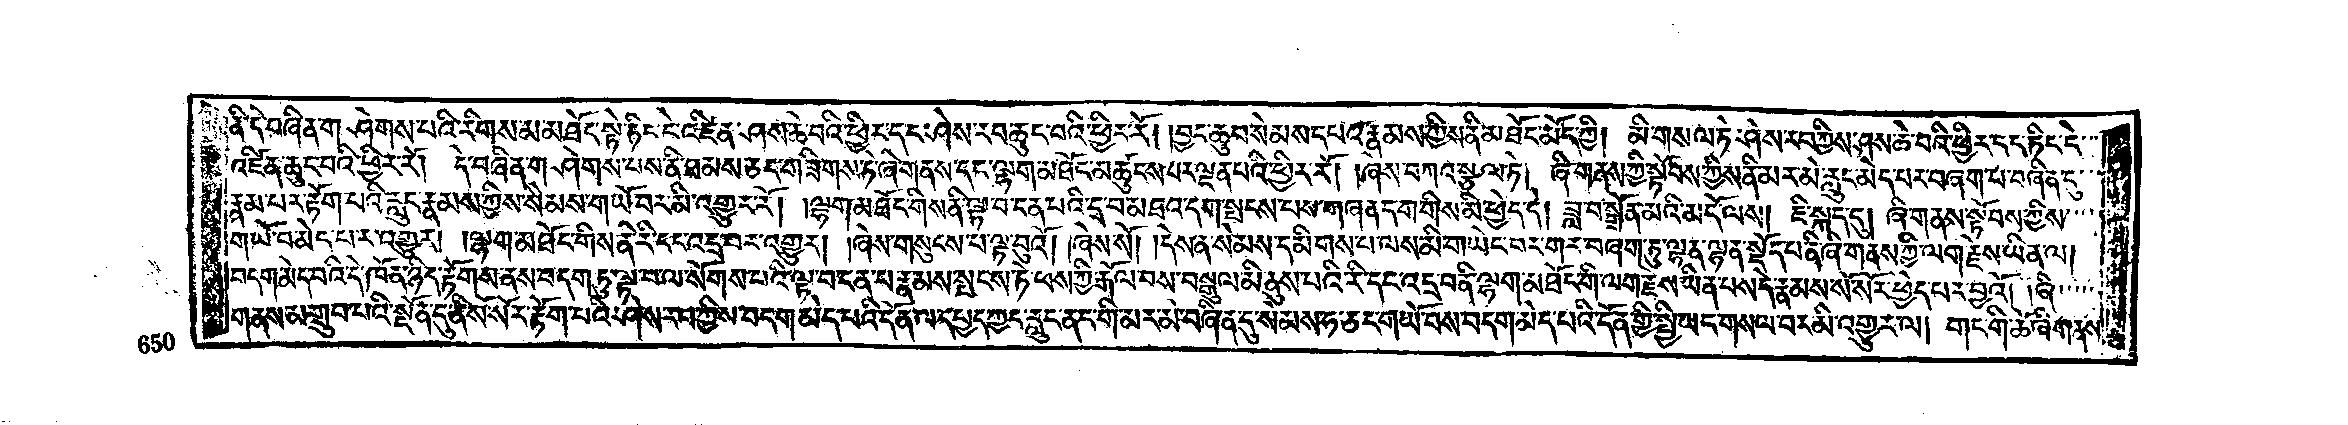ནི་དེ་བཞིན་གཤེགས་པའི་རིགས་མ་མཐོང་སྟེ་ཏིང་ངེ་འཛིན་ཤས་ཆེ་བའི་ཕྱིར་དང་ཤེས་རབ་ཆུང་བའི་ཕྱིར་རོ། །བྱང་ཆུབ་སེམས་དཔའ་རྣམས་ཀྱིས་ནི་མཐོང་མོད་ཀྱི། མི་གསལ་ཏེ་ཤེས་རབ་ཀྱིས་ཤས་ཆེ་བའི་ཕྱིར་དང་ཏིང་ངེ་
འཛིན་ཆུང་བའི་ཕྱིར་རོ། །དེ་བཞིན་གཤེགས་པས་ནི་ཐམས་ཅད་གཟིགས་ཏེ་ཞི་གནས་དང་ལྷག་མཐོང་མཚུངས་པར་ལྡན་པའི་ཕྱིར་རོ། །ཞེས་བཀའ་སྩལ་ཏེ། ཞི་གནས་ཀྱི་སྟོབས་ཀྱིས་ནི་མར་མེ་རླུང་མེད་པར་བཞག་པ་བཞིན་དུ་
རྣམ་པར་རྟོག་པའི་རླུང་རྣམས་ཀྱིས་སེམས་གཡོ་བར་མི་འགྱུར་རོ། །ལྷག་མཐོང་གིས་ནི་ལྟ་བ་ངན་པའི་དྲ་བ་མཐའ་དག་སྤངས་པས་གཞན་དག་གིས་མི་ཕྱེད་དེ། ཟླ་བ་སྒྲོན་མའི་མདོ་ལས། ཇི་སྐད་དུ། ཞི་གནས་སྟོབས་ཀྱིས་
གཡོ་བ་མེད་པར་འགྱུར། །ལྷག་མཐོང་གིས་ནི་རི་དང་འདྲ་བར་འགྱུར། །ཞེས་གསུངས་པ་ལྟ་བུའོ། །ཞེས་སོ། །དེས་ན་སེམས་དམིགས་པ་ལས་མི་གཡེང་བར་གར་བཞག་ཏུ་ལྷན་ལྷན་སྡོད་པ་ནི་ཞི་གནས་ཀྱི་ལག་རྗེས་ཡིན་ལ།
བདག་མེད་པའི་དེ་ཁོ་ན་ཉིད་རྟོགས་ནས་བདག་ཏུ་ལྟ་བ་ལ་སོགས་པའི་ལྟ་བ་ངན་པ་རྣམས་སྤངས་ཏེ་ཕས་ཀྱི་རྒོལ་བས་བསྒུལ་མི་ནུས་པའི་རི་དང་འདྲ་བ་ནི་ལྷག་མཐོང་གི་ལག་རྗེས་ཡིན་པས་དེ་རྣམས་སོ་སོར་ཕྱེད་པར་བྱའོ། །ཞི་
གནས་མ་གྲུབ་པའི་སྔོན་དུ་ནི་སོ་སོར་རྟོག་པའི་ཤེས་རབ་ཀྱིས་བདག་མེད་པའི་དོན་ལ་དཔྱད་ཀྱང་རླུང་ནང་གི་མར་མེ་བཞིན་དུ་སེམས་ཧ་ཅང་གཡོ་བས་བདག་མེད་པའི་དོན་གྱི་སྤྱི་ཡང་གསལ་བར་མི་འགྱུར་ལ། གང་གི་ཚེ་ཞི་གནས་